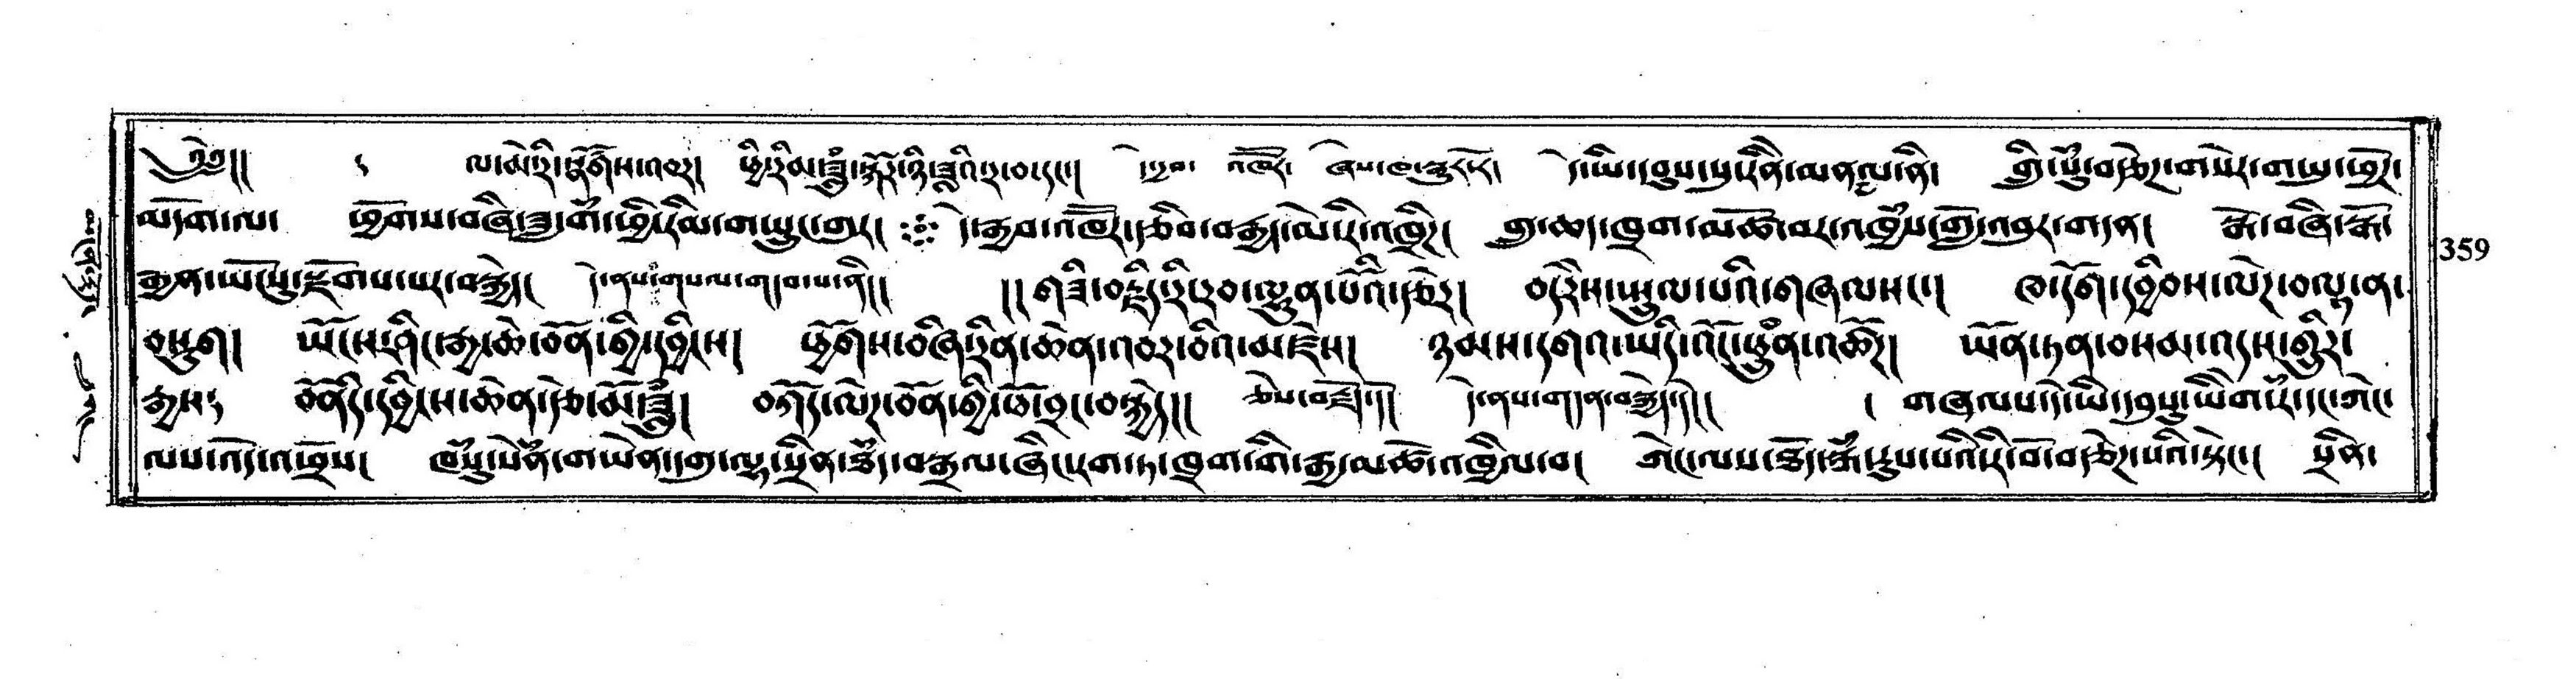ལ་མེ་རི་སྣ་ཚོགས་འབར། ཕྱི་རིམ་ཟླུམ་སྐོར་ཉི་ཟླའི་ར་བ་དང་། དེ་རྒྱབ་འཁོར་ལོ་ཞེས་ཁ་བསྐུར་རོ། {370}དེ་ཡི་དབུས་སུ་རིན་ཆེན་མཎྜལ་ནི། གྲུ་བཞི་སུམ་བརྩེགས་གསེར་གཡུ་ཕྱོགས་
མདོག་ལ། ཕྱོགས་བཞི་ཟླ་གམ་ཕྱི་རིམ་གཡུང་དྲུང་གུར། དེ་རྒྱབ་འཁོར་ལོ་རྩིབ་བརྒྱད་མེ་རི་འཁྲིགས། གྲུ་ཆད་ཁྲག་མཚོ་བར་འཁྱམས་གློ་འབུར་གདན། སྒོ་བཞི་སྒོ་
རྒྱན་ཡོངས་སུ་རྫོགས་པར་བསྐྱེད། དེ་ནས་གསལ་གདབ་པ་ནི། གཟི་བརྗིད་རི་རབ་ལྷུན་པོའི་རྩེར། བདེར་གཤེགས་སྤྲུལ་པའི་གཞལ་ཡས་ཁང་། ཁ་དོག་དབྱིབས་ལེགས་བལྟ་ན་
བསྡུག ཡངས་ཤིང་རྒྱ་ཆེ་བོན་གྱི་དབྱིངས། ཕྱོགས་བཞི་རིན་ཆེན་འབར་བའི་མཛེས། ཉམས་དགའ་ཡིད་འོང་ཕུན་སུམ་ཚོགས། ཡོན་ཏན་བསམ་འདས་གྲུ་བཞིར་
རྒྱས། བོན་ཉིད་དབྱིངས་ཆེན་རྩེ་མོ་ཟླུམ། བཀོད་ལེགས་བོན་གྱི་ཕོ་བྲང་བསྐྱེད།། ཅེས་བརྗོད་དོ། དེ་ནས་གདན་བསྐྱེད་དེ། གཞལ་ཡས་དེ་ཡི་དབུས་སུ་ཡི་གེ་རཾ་དང་ཀེང་
ལས་འོད་འཕྲོས།། ཁམས་གསུམ་སེམས་ཅན་གཡེན་དགུ་ལྷ་སྲིན་ཐམས་ཅད་བསྒྲལ་ཞིང་རག་ཏ་ཁྲག་གི་རྒྱ་མཚོ་འཁྱིལ་བ། ཀེང་ལས་ཐོད་སྐམ་རུས་པའི་རི་བོ་བརྩེགས་པའི་སྟེང་། སྲིན་